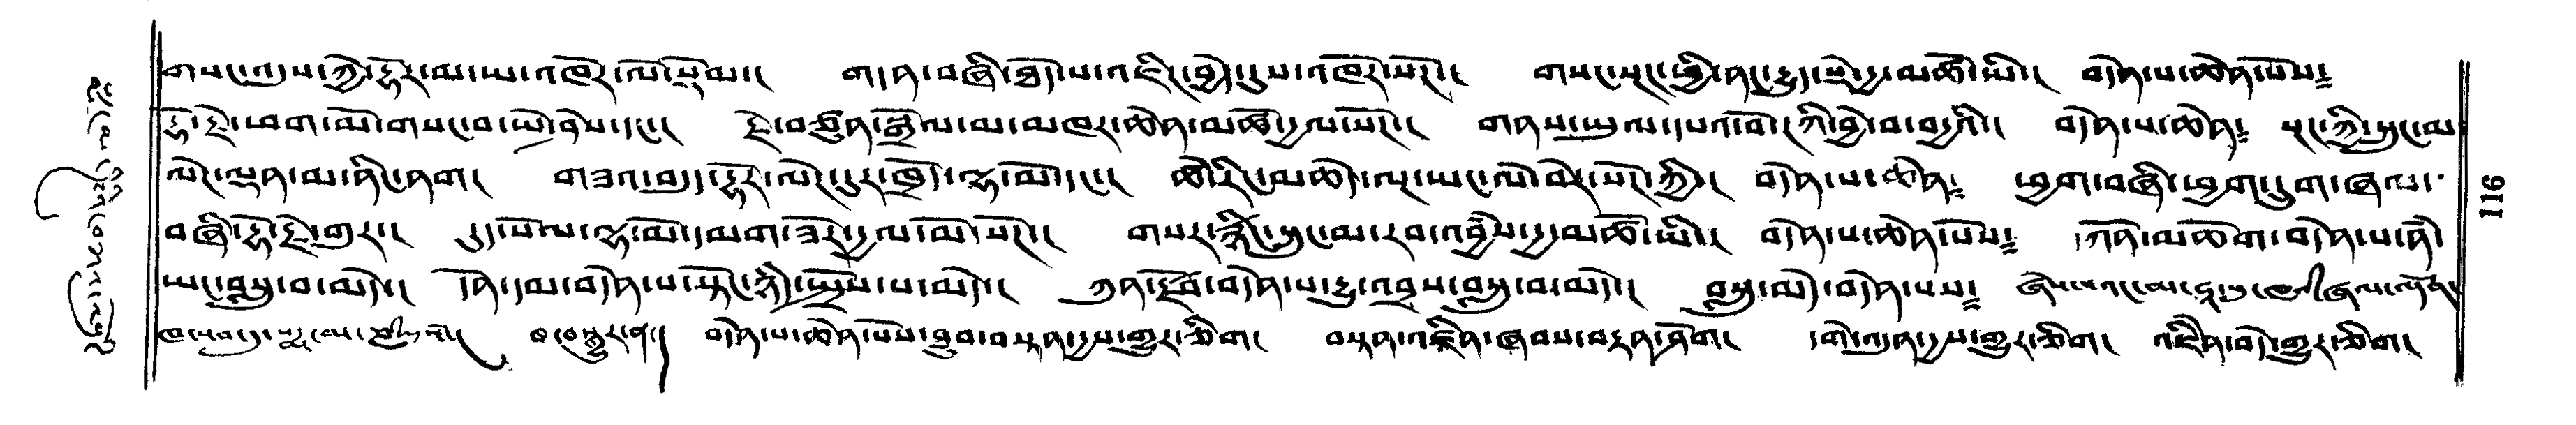གསང་འདུས་ཀྱེ་རྡོར་མ་ཡ་འཁོར་ལོ་སྡོམ། །གདན་བཞི་ཐོད་པ་འཇིགས་བྱེད་དུས་འཁོར་སོགས། །གསང་སྔགས་ཕྱི་ནང་རྒྱུད་སྡེ་རྒྱ་མཚོ་ཡི། །བདེན་པ་ཆེན་པོས༴ 
རྡོ་རྗེ་ཕག་མོ་གསང་བ་ཡེ་ཤེས་དང་། །རྗེ་བཙུན་སྒྲོལ་མ་མཁར་ཆེན་མཚོ་རྒྱལ་སོགས། །གནས་ཡུལ་དཔའ་བོ་ཌཱཀྐི་བྱེ་བ་བརྒྱའི། །བདེན་པ་ཆེན༴ སྔགས་ཀྱི་སྲུང་མ་
ལེགས་ལྡན་མ་ནིང་ནག །གཟའ་བདུད་རྡོར་ལེགས་དུར་ཁྲོད་ལྷ་མོ་དང་། །ཚེ་རིང་མཆེད་ལྔ་ཡང་ལེ་བེར་སོགས་ཀྱི། །བདེན་པ་ཆེན༴ ཕྱག་བཞི་ཕྱག་དྲུག་ཞལ་
བཞི་རྡོ་རྗེ་གུར། །དུད་སོལ་ལྷ་མོ་དམག་ཟོར་རྒྱལ་མོ་སོགས། །གསར་རྙིང་སྲུང་མ་རབ་འབྱམས་རྒྱ་མཚོ་ཡི། །བདེན་པ་ཆེན་པོས༴ དཀོན་མཆོག་བདེན་པ་ནམ་
ཡང་བསླུ་བ་མེད། །དོན་དམ་བདེན་པ་སྟོང་ཉིད་སྤྲོས་པ་མེད། །ཀུན་རྫོབ་བདེན་པ་རྒྱུ་འབྲས་བསླུ་བ་མེད། །བསླུ་མེད་བདེན་པས་ཁ་ཆར་ཆོད་གྱུར་ཅིག ཞེས་པའང་མ་ཧཱ་སུ་ཁའི་ཞལ་འདོན་
ཁག་སབ་དུ་པདྨ་མ་ཎིས་སོ།། ཁ་བསྒྱུར་ན། བདེན་པ་ཆེན་པོས་ཐུབ་བསྟན་རྒྱས་གྱུར་ཅིག བསྟན་འཛིན་ཞབས་བརྟན་ཤོག དགེ་འདུན་རྒྱས་གྱུར་ཅིག འཇིན་རྟེན་བདེ་གྱུར་ཅིག